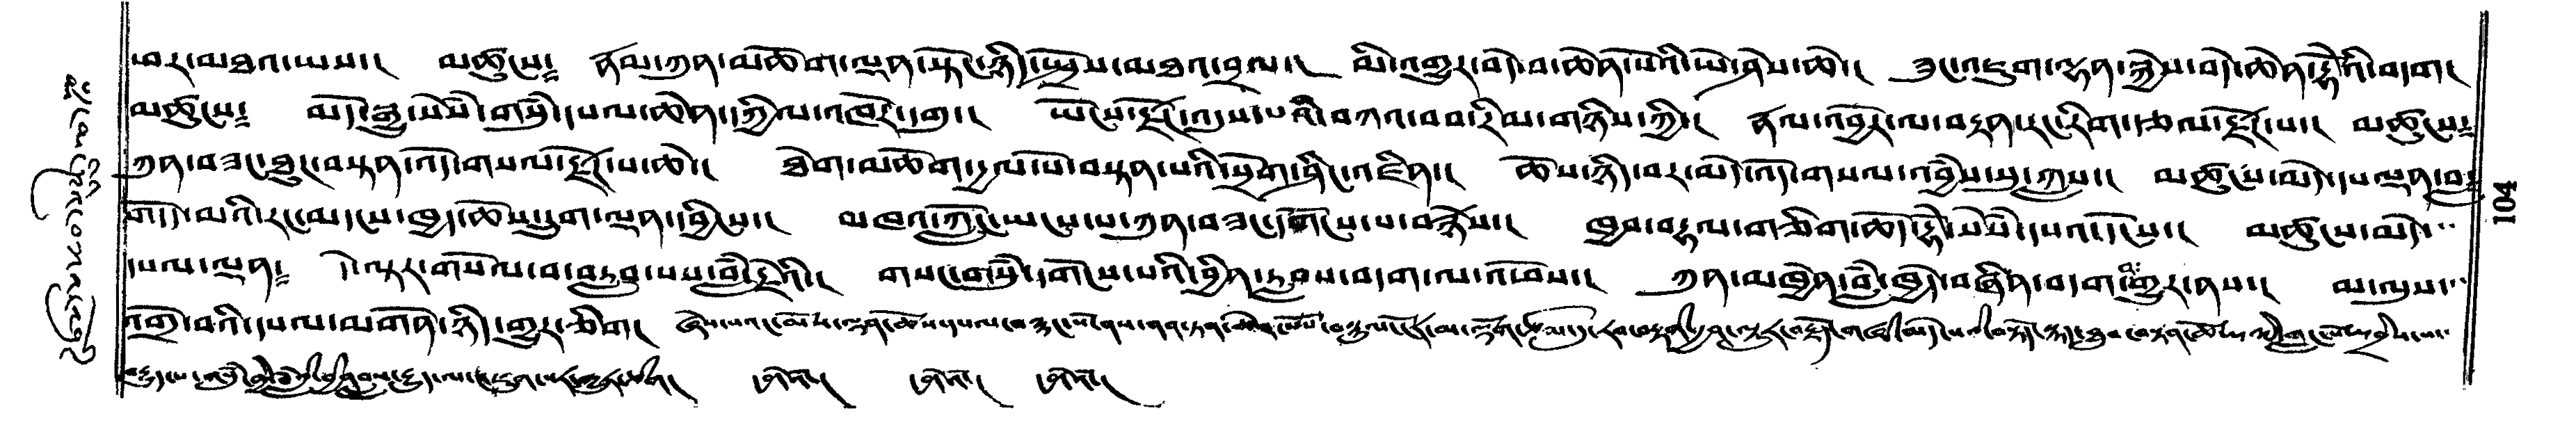ཕ་མཐའ་ཡས། མཚུངས༴ རྣམ་ཀུན་མཆོག་ལྡན་སྟོང་ཉིད་སྤྲོས་མཐའ་བྲལ། །མི་འགྱུར་བདེ་བ་ཆེན་པོའི་ཡེ་ཤེས་ཆེ། །ཟུང་འཇུག་ལྷན་སྐྱེས་བདེ་ཆེན་རྡོ་རྗེའི་བདག །
མཚུངས༴ མདོ་སྒྱུ་སེམས་གསུམ་དཔལ་ཆེན་དཀྱིལ་འཁོར་དགུ། །ཡོངས་རྫོགས་འདུས་པའི་བཀའ་བབ་རིམ་གཉིས་ཀྱི། །རྣལ་འབྱོར་ལ་བརྟན་རང་རིག་རྩལ་རྫོགས་པ། །མཚུངས༴ 
ཀུན་བཟང་ཐུགས་བསྟན་འོད་གསལ་རྫོགས་པ་ཆེ། །ཐེག་མཆོག་རྒྱལ་པོ་བསྟན་པའི་སྲོག་ཤིང་འཛིན། །ཆོས་ཉིད་བར་མེད་འོད་གསལ་འབྱམས་སུ་ཀླས། མཚུངས་མེད་དཔལ་ལྡན་བླ༴ 
གདོད་མའི་རང་མདངས་ཁྱད་ཆོས་དྲུག་ལྡན་དབྱིངས། །མཁའ་ཀློང་ཡངས་པ་ཀུན་བཟང་དགོངས་པ་བརྙེས། ཁྱབ་བརྡལ་གཅིག་ཆོད་རྡོ་རྗེ་སེམས་དཔའ་དངོས། །མཚུངས་མེད་
དཔལ་ལྡན༴དེ་ལྟར་གསོལ་བ་བཏབ་པས་བླ་མ་རྗེའི། །གསང་གསུམ་དགོངས་པའི་བྱིན་རླབས་བདག་ལ་འཕོས། །ཀུན་མཁྱེན་བླ་མ་ཁྱོད་བཞིན་བདག་གྱུར་ནས། །མ་ལུས་
འགྲོ་བའི་དཔལ་མགོན་ཉིད་གྱུར་ཅིག ཞེས་པའང་མོས་ལྡན་ཆོས་དཔལ་བཟང་པོ་ནས་ནན་ཏན་ཆེན་པོས་བསྐུལ་ངོར་མ་ལྡོག་ཙམ་དུ་རབ་བཏགས་ཀྱྀ་རྒྱན་ལྟ་བུར་བརྗོད་གཞི་མེད་པའི་བསྟོད་སྐད་ཐུབ་བསྟན་ཆོས་ཀྱི་གླང་པོས་བྲིས་པ་
བརྒྱུད་པ་གསུམ་གྱི་བླ་མའི་བྱིན་རླབས་རྒྱུད་ལ་འཇུག་པར་གྱུར་ཅིག དགེའོ།།